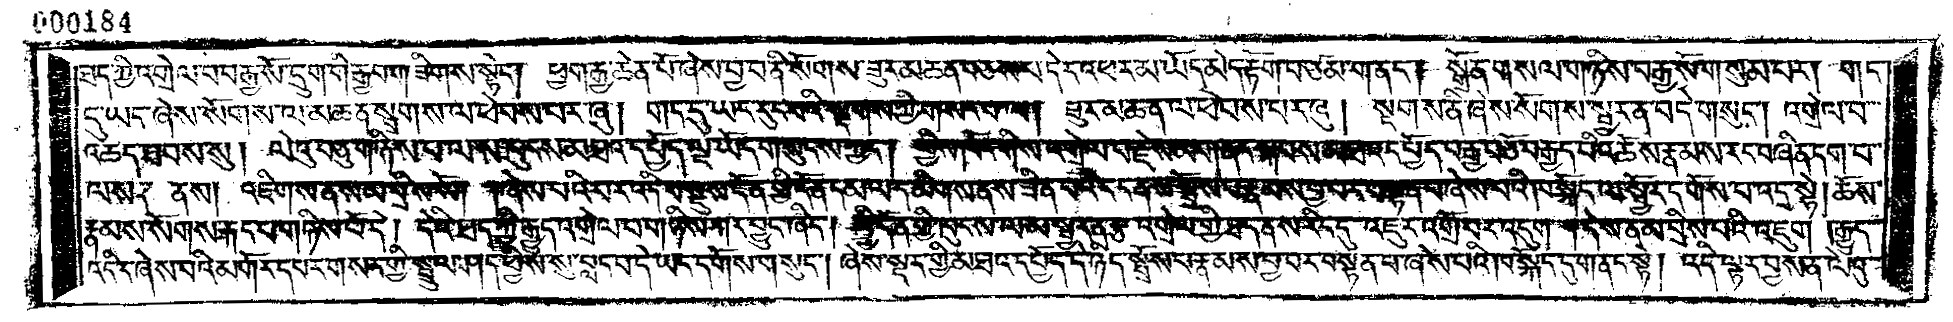ཐད་ཀྱི་འགྲེལ་བ་བརྒྱ་སོ་དྲུག་གི་རྒྱབ་གཟིགས་སྟེང་། ཕྱག་རྒྱ་ཆེན་པོ་ཞེས་བྱ་བ་ནི་སོགས་ཟུར་མཆན་བཅས་པ་དེར་འཕར་མ་ཡོད་མེད་རྟོག་པ་ཙམ་གནང་། སྒྲོན་གསལ་གཉིས་བརྒྱ་སོ་གསུམ་པར། གང་
དུ་ཡང་ཞེས་སོགས་ལ་མཆན་སྦྲགས་ལ་ཕེབས་པར་ཞུ། གང་དུ་ཡང་རུང་བའི་སྔགས་ཀྱི་གསང་བ་ལ། ཟུར་མཆན་ལ་ཕེབས་པར་ཞུ། སྔགས་ནི་ཞེས་སོགས་སྦྱར་ན་བདེ་གསུང་། འགྲེལ་བ་
འཆད་ཐབས་སུ། ལེའུ་བཅུ་གཉིས་པ་ལ་ས་ཁུངས་མཐའ་དཔྱོད་ལྔ་ཡོད་གསུངས་ཀྱང་། ཕྱིས་ཁོང་གིས་འགྲེལ་བ་རྗེས་མ་གནང་སྐབས་མཐའ་དཔྱོད་བརྒྱ་བཅོ་བརྒྱད་པའི་ཆོས་རྣམས་རང་བཞིན་དག་པ་
ལས༑ ནས། འཇིགས་ནས་མ་བྲིས་སོ། །ཞེས་པའི་བར་འདི་བསྡུས་དོན་གྱི་དོན་དམ་ལ་དམིགས་ནས་ཟིན་པའི་ངང་ནས་སྤྲོས་པ་རྣམས་བྱ་བར་བསྟན་པ་ཞེས་པའི་ཁ་སྐོང་ལ་སྦྱོར་དགོས་པ་འདྲ་སྟེ། ཆོས་
རྣམས་སོགས་རྐང་པ་གཉིས་པོ་དེ། དེའི་ཐད་ཀྱི་རྒྱུད་འགྲེལ་བ་གཉིས་ཀར་བྱུང་ཞིང་། སྤྱི་དོན་གྱི་ཁུངས་ལ་མ་སྦྱར་ན་རྩ་འགྲེལ་གྱི་ཐད་ནས་རིང་དུ་འཇུར་འགྲོ་བར་འདུག །དེས་ན་མ་བྲིས་པའི་འཇུག །རྒྱུད་
འདིར་ཞེས་པའི་མགོར་དཔར་གསར་གྱི་སྤྲུལ་ཤད་ཕྱིས་སུ་བླང་བ་དེ་ཡང་དགོས་གསུང་། ཞེས་སྔར་གྱི་མཐའ་དཔྱོད་དེ་ཉིད་སྤྲོས་པ་རྣམས་བྱ་བར་བསྟན་པ་ཞེས་པའི་ཁ་སྐོང་དུ་གནང་སྟེ། འདི་ལྟར་བྱས་ན་ལེའུ་